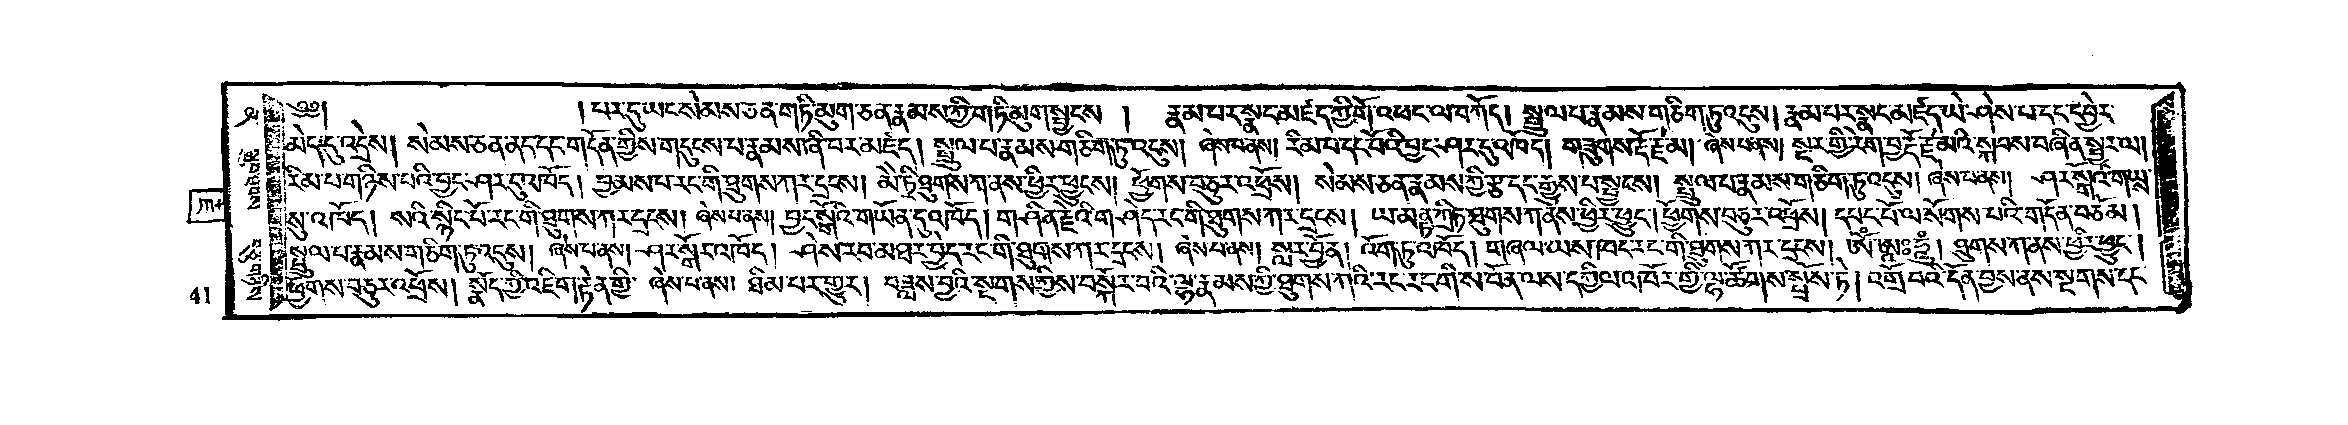༄༅། །པར་དུ་ཡང་སེམས་ཅན་གཏི་མུག་ཅན་རྣམས་ཀྱི་གཏི་མུག་སྦྱངས། རྣམ་པར་སྣང་མཛད་ཀྱི་གོ་འཕང་ལ་བཀོད། སྤྲུལ་པ་རྣམས་གཅིག་ཏུ་འདུས། རྣམ་པར་སྣང་མཛད་ཡེ་ཤེས་པ་དང་དབྱེར་
མེད་དུ་འདྲེས། སེམས་ཅན་ནད་དང་གདོན་གྱིས་གདུངས་པ་རྣམས་ཞི་པར་མཛད། སྤྲུལ་པ་རྣམས་གཅིག་ཏུ་འདུས། ཞེས་པ་ནས།  རིམ་པ་དང་པོའི་བྱང་ཤར་དུ་འཁོད། གཟུགས་རྡོ་རྗེ་མ། ཞེས་པ་ནས།  སྔར་གྱི་རེག་བྱ་རྡོ་རྗེ་མའི་སྐབས་བཞིན་སྦྱར་ལ།
རིམ་པ་གཉིས་པའི་བྱང་ཤར་དུ་འཁོད། བྱམས་པ་རང་གི་ཐུགས་ཀར་དྲངས། མཻ་ཏྲི་ཐུགས་ཀ་ནས་ཕྱིར་ཕྱུངས། ཕྱོགས་བཅུར་འཕྲོས། སེམས་ཅན་རྣམས་ཀྱི་རྩ་དང་རྒྱུས་པ་སྦྱངས། སྤྲུལ་པ་རྣམས་གཅིག་ཏུ་འདུས། ཞེས་པ་ནས།  ཤར་སྒོའི་གཡས་
སུ་འཁོད། སའི་སྙིང་པོ་རང་གི་ཐུགས་ཀར་དྲངས། ཞེས་པ་ནས།  བྱང་སྒོའི་གཡོན་དུ་འཁོད། གཤིན་རྗེའི་གཤེད་རང་གི་ཐུགས་ཀར་དྲངས། ཡ་མནྟ་ཀྲིཏ་ཐུགས་ཀ་ནས་ཕྱིར་ཕྱུང་། ཕྱོགས་བཅུར་འཕྲོས། དབང་པོ་ལ་སོགས་པའི་གདོན་བཅོམ།
སྤྲུལ་པ་རྣམས་གཅིག་ཏུ་འདུས། ཞེས་པ་ནས།  ཤར་སྒོར་འཁོད། ཤེས་རབ་མཐར་བྱེད་རང་གི་ཐུགས་ཀར་དྲངས། ཞེས་པ་ནས།  སླར་བྱོན། འོག་ཏུ་འཁོད། གཞལ་ཡས་ཁང་རང་གི་ཐུགས་ཀར་དྲངས། ཨོཾ་ཨཱཿ ཧཱུཾ། ཐུགས་ཀ་ནས་ཕྱིར་ཕྱུང་།
ཕྱོགས་བཅུར་འཕྲོས། སྣོད་ཀྱི་འཇིག་རྟེན་གྱི་ཞེས་པ་ནས།  ཐིམ་པར་གྱུར། བཟླས་བྱའི་སྔགས་ཀྱིས་བསྐོར་བའི་ལྷ་རྣམས་ཀྱི་ཐུགས་ཀའི་རང་རང་གི་ས་བོན་ལས་དཀྱིལ་འཁོར་གྱི་ལྷ་ཚོགས་སྤྲོས་ཏེ། འགྲོ་བའི་དོན་བྱས་ནས་སྔགས་དང་